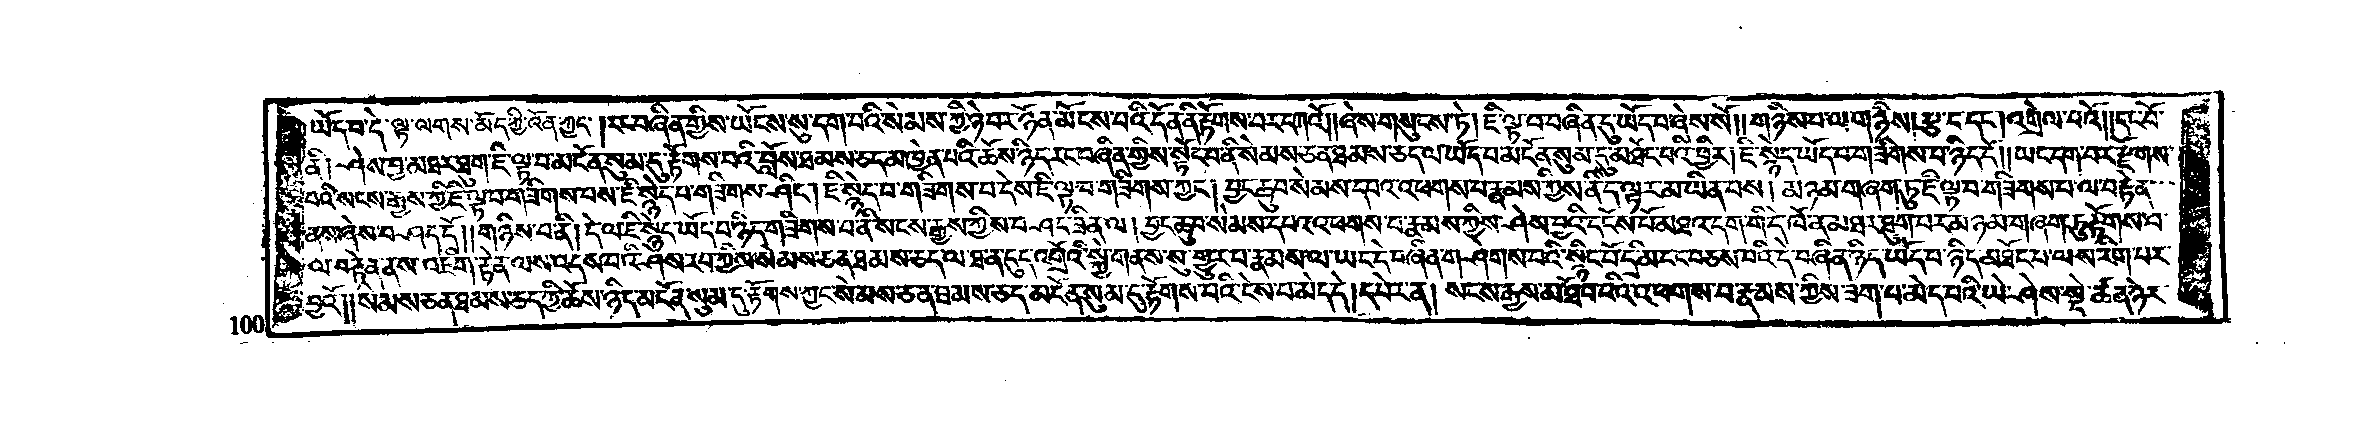ཡོད་པ་དེ་ལྟ་ལགས་མོད་ཀྱི་འོན་ཀྱང་། རང་བཞིན་གྱིས་ཡོངས་སུ་དག་པའི་སེམས་ཀྱི་ཉེ་བར་ཉོན་མོངས་པའི་དོན་ནི་རྟོགས་པར་དཀའོ། །ཞེས་གསུངས་ཏེ། ཇི་ལྟ་བ་བཞིན་དུ་ཡོད་པ་ཞེས་སོ། །གཉིས་པ་ལ་གཉིས། རྩ་བ་དང་། འགྲེལ་པའོ། །དང་པོ་
ནི༑ ཤེས་བྱ་མཐར་ཐུག་ཇི་ལྟ་བ་མངོན་སུམ་དུ་རྟོགས་པའི་བློས་ཐམས་ཅད་མཁྱེན་པའི་ཆོས་ཉིད་རང་བཞིན་གྱིས་སྟོང་བ་ནི་སེམས་ཅན་ཐམས་ཅད་ལ་ཡོད་པ་མངོན་སུམ་དུ་མཐོང་བའི་ཕྱིར། ཇི་སྙེད་ཡོད་པ་གཟིགས་པ་ཉིད་དོ། །ཡང་དག་པར་རྫོགས་
པའི་སངས་རྒྱས་ཀྱི་ཇི་ལྟ་བ་གཟིགས་པས་ཇི་སྙེད་པ་གཟིགས་ཤིང་། ཇི་སྙེད་པ་གཟིགས་པ་དེས་ཇི་ལྟ་བ་གཟིགས་ཀྱང་། བྱང་ཆུབ་སེམས་དཔའ་འཕགས་པ་རྣམས་ཀྱིས་ནི་དེ་ལྟར་མ་ཡིན་པས། མཉམ་གཞག་ཏུ་ཇི་ལྟ་བ་གཟིགས་པ་ལ་བརྟེན་
ནས་ཞེས་བཤད་དོ། །གཉིས་པ་ནི། དེ་ལ་ཇི་སྙེད་ཡོད་པ་ཉིད་གཟིགས་པ་ནི་སངས་རྒྱས་ཀྱིས་བཤད་ཟིན་ལ། བྱང་ཆུབ་སེམས་དཔའ་འཕགས་པ་རྣམས་ཀྱིས་ཤེས་བྱའི་དངོས་པོ་མཐའ་དག་གི་དེ་ཁོ་ན་མཐར་ཐུག་པར་མཉམ་གཞག་ཏུ་རྟོགས་པ་
ལ་བརྟེན་ནས་འཇིག་རྟེན་ལས་འདས་པའི་ཤེས་རབ་ཀྱིས་སེམས་ཅན་ཐམས་ཅད་ལ་ཐ་ན་དུད་འགྲོའི་སྐྱེ་གནས་སུ་གྱུར་པ་རྣམས་ལ་ཡང་དེ་བཞིན་གཤེགས་པའི་སྙིང་པོ་དྲི་མ་དང་བཅས་པའི་དེ་བཞིན་ཉིད་ཡོད་པ་ཉིད་མཐོང་བས་ལས་རིག་པར་
བྱའོ༑ ༑སེམས་ཅན་ཐམས་ཅད་ཀྱི་ཆོས་ཉིད་མངོན་སུམ་དུ་རྟོགས་ཀྱང་སེམས་ཅན་ཐམས་ཅད་མངོན་སུམ་དུ་རྟོགས་པའི་ངེས་པ་མེད་དེ། དཔེར་ན། སངས་རྒྱས་མ་ཐོབ་པའི་འཕགས་པ་རྣམས་ཀྱིས་ཟག་པ་མེད་པའི་ཡེ་ཤེས་སྡེ་ཚན་ཉེར་